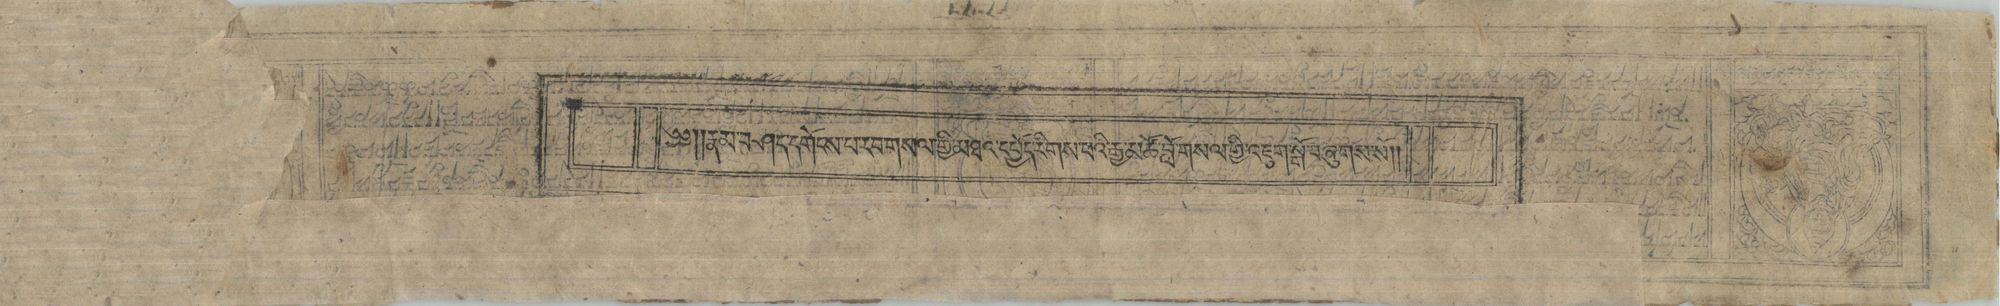༄༅། །རྣམ་བཤད་དགོངས་པ་རབ་གསལ་གྱི་མཐའ་དཔྱོད་རིགས་པའི་རྒྱ་མཚོ་བློ་གསལ་གྱི་འཇུག་སྒོ་བཞུགས་སོ། །